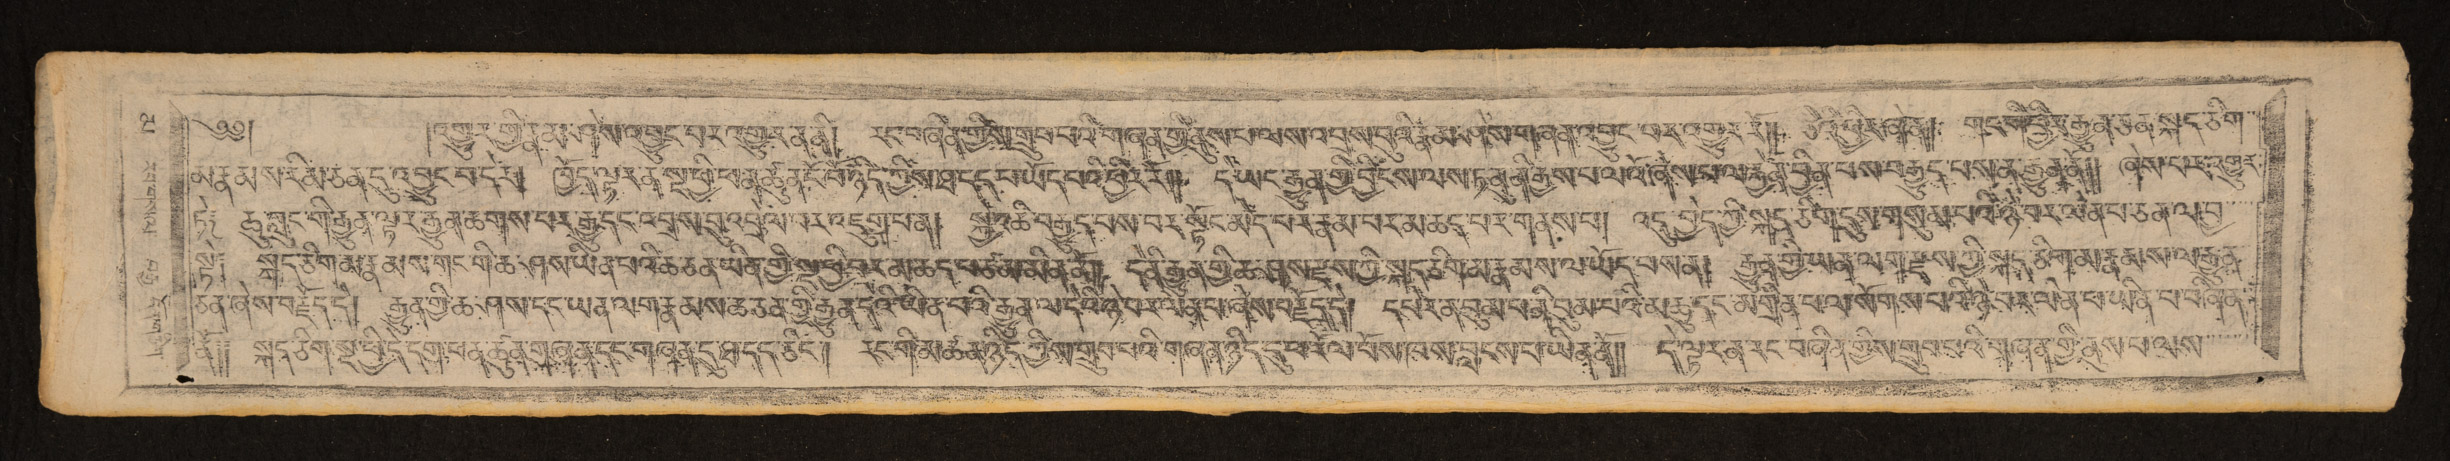༄༅། །འགྱུར་གྱི་རྣམ་ཤེས་འབྱུང་བར་འགྱུར་ན་ནི། རང་བཞིན་གྱིས་གྲུབ་པའི་གཞན་གྱི་ནུས་པ་ལས་འབྲས་བུའི་རྣམ་ཤེས་གཞན་འབྱུང་བར་འགྱུར་རོ།། ཅིའི་ཕྱིར་ཞེ་ན། གང་གི་ཕྱིར་རྒྱུན་ཅན་སྐད་ཅིག་
མ་རྣམས་རིམ་ཅན་དུ་འབྱུང་བ་དེར། ཁྱོད་ལྟར་ན་སྔ་ཕྱི་ཕན་ཚུན་ངོ་བོ་ཉིད་ཀྱིས་ཐ་དད་པ་ཡོད་པའི་ཕྱིར་རོ།། དེ་ཡང་རྒྱུན་གྱི་བྱིངས་ལས་ཏ་ནུ་ནི་རྒྱས་པ་ལའོ་ཞེས་པ་ལ་རྐྱེན་བྱིན་པས་བརྒྱུད་པས་ན་རྒྱུན་ནོ།། ཞེས་པར་འགྱུར་
ཏེ༑ ཆུ་ཀླུང་གི་རྒྱུན་ལྟར་རྒྱུན་ཆགས་པར་རྒྱུ་དང་འབྲས་བུ་འབྲེལ་པར་འཇུག་པ་ན། སྐྱེ་འཆི་བརྒྱུད་པས་བར་སྟོང་མེད་པར་རྣམ་པར་མ་ཆད་པར་གནས་པ། འདུ་བྱེད་ཀྱི་སྐད་ཅིག་དུས་གསུམ་པའི་ཉེ་བར་ལེན་པ་ཅན་ལ་བྱ་
སྟེ༑ སྐད་ཅིག་མ་རྣམས་གང་གི་ཆ་ཤས་ཡིན་པའི་ཆ་ཅན་ཡིན་གྱི་སྔ་ཕྱི་བར་མ་ཆད་པ་ཙམ་མིན་ནོ།། དེ་ནི་རྒྱུན་གྱི་ཆ་ཤས་རྫས་ཀྱི་སྐད་ཅིག་མ་རྣམས་ལ་ཡོད་པས་ན། རྒྱུན་གྱི་ཡན་ལག་རྫས་ཀྱི་སྐད་ཅིག་མ་རྣམས་ལ་རྒྱུན་
ཅན་ཞེས་བརྗོད་དེ། རྒྱུན་གྱི་ཆ་ཤས་དང་ཡན་ལག་རྣམས་ཆ་ཅན་གྱི་རྒྱུན་དེའི་ཡིན་པའི་རྒྱུན་ལ་དེའི་ཉེ་བར་ལེན་པ་ཞེས་བརྗོད་དེ། དཔེར་ན་བུམ་པ་ནི་བུམ་པའི་མཆུ་དང་མགྲིན་པ་ལ་སོགས་པའི་ཉེ་བར་ལེན་པ་ཡིན་པ་བཞིན་
ནོ༑༑ སྐད་ཅིག་སྔ་ཕྱི་དེ་དག་ཕན་ཚུན་གཞན་དང་གཞན་དུ་ཐ་དད་ཅིང་། རང་གི་མཚན་ཉིད་ཀྱིས་གྲུབ་པའི་གཞན་ཉིད་དུ་ཕ་རོལ་པོས་ཁས་བླངས་པ་ཡིན་ནོ།། དེ་ལྟར་ན་རང་བཞིན་གྱིས་གྲུབ་པའི་གཞན་གྱི་ནུས་པ་ལས་